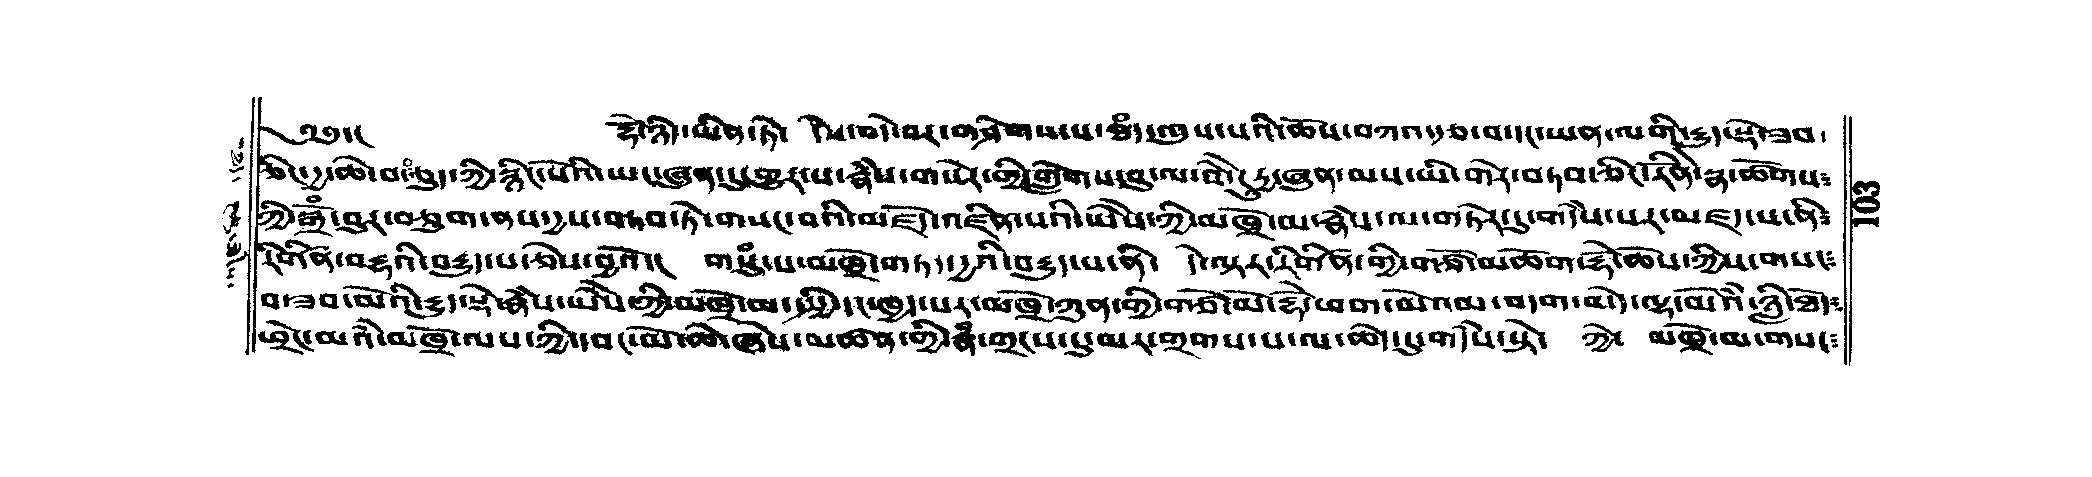རྡོ་རྗེ་ཉིད་ཡིན་ཏེ། དེས་བདེ་བར་གཤེགས་པ་ཐམས་ཅད་དབུས་པའི་ཆོས་བཀའ་རྩ་བ་དང་ཡན་ལག་གི་རྒྱུད་སྡེ་ཟབ་
ཅིང་རྒྱ་ཆེ་བ་བཅུད་ཀྱི་སྙིང་པོའི་ཡང་ཞུན་དུ་གྱུར་པ་རྣམས་གསེར་གྱི་གླེགས་བུ་ལ་བཻ་ཌཱུརྻ་ཞུན་མས་ཡི་གེར་བཏབ་ཆིང་རིན་པོ་ཆེ་སྣ་ཚོགས་
ཀྱི་སྒྲོམ་བུམ་བཅུག་ནས་རྒྱས་བཏབ་ཏེ་གསང་བའི་མཛོད་འཛིན་པའི་ཡེ་ཤེས་ཀྱི་མཁའ་འགྲོ་མ་རྣམས་ལ་གཏེར་དུ་གདམས་པར་མཛད་པ་ནི་
རིག་འཛིན་བརྡའི་བརྒྱུད་པ་ཅེས་བྱའོ། གསུམ་པ་མཁའ་འགྲོ་གཏད་རྒྱའི་བརྒྱུད་པ་ནི། དེ་ལྟར་རིག་འཛིན་གྱི་གཙོ་མཆོག་རྡོ་རྗེ་ཆོས་ཀྱིས་གསང་
བ་ཟབ་མོའི་རྒྱུད་སྡེ་རྣམས་ཡེ་ཤེས་ཀྱི་མཁའ་འགྲོ་མ་སྤྱི་དང་ཁྱད་པར་མཁའ་འགྲོ་ཀུན་གྱི་གཙོ་མོ་རྡོ་རྗེ་ཕག་མོའམ་བདག་མེད་ལྷ་མོའམ་ཉི་ཟླ་ཐོད་
ཕྲེང་མའམ་མཁའ་འགྲོ་ལས་ཀྱི་དབང་མོ་ཆེ་ཞེས་མཚན་གྱི་རྣམ་གྲངས་དུ་མར་གྲགས་པ་ལ་ཆེད་དུ་གདམས་ཏེ། ཀྱེ། མཁའ་འགྲོ་མ་གསང་